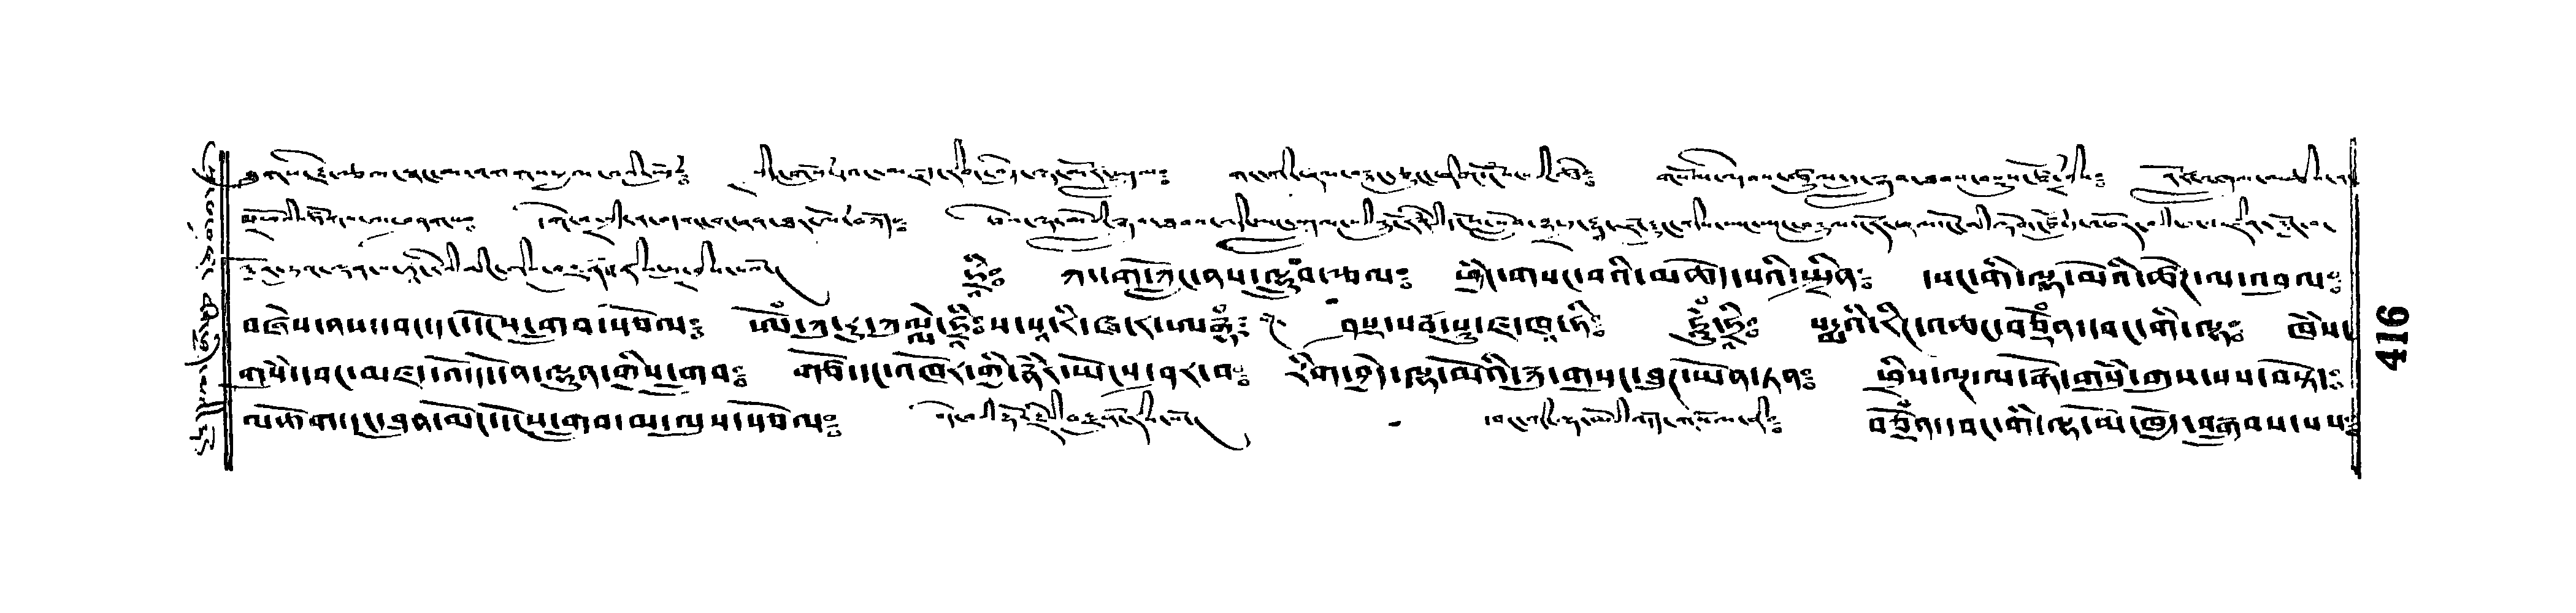ཐུགས་རྗེ་སྩལ་སྣང་མ་འགགས་རྒྱལ་བའི་ཡུམ༔ སྲིད་གསུམ་དབང་མཛད་རིག་བྱེད་ལྷ་མོར་སྤྲུལ༔ གང་གི་ཞལ་བཟང་ཅུང་ཞིག་ངོམས་པའི་ཚེ༔ གསོལ་འདེབས་ཚུལ་དུ་སྒྲུབ་ཐབས་བསྡུས་ཙམ་བྲིས༔ ནོར་འཁྲུལ་མཆིས་ན་
མཁའ་འགྲོའི་ཚོགས་ལ་བཤགས༔ དགེ་བ་སྲིད་ན་བདག་གཞན་ཐར་ལམ་བཀོད༔ ཅེས་ལྷ་མོའི་སྒྲུབ་ཐབས་འདི་ཡང་སྤྲུལ་པའི་སྐུ་རིན་པོ་ཆེའི་དངོས་སློབ་བྷ་བྲ་དྲ་ཛ་ཟུང་གིས་ཡང་ཡང་བསྐུལ་ངོར་ཞལ་ངོ་མི་ལྡོག་ཙམ་དུ་འཁོར་བའི་ཁ་འཛིན་སྐྱོང་བ་
སྐྱོན་ཀུན་ལྡན་པ་ཏཱ་རེའི་མིང་གིས་བརྫུན་རིས་སུ་བྲིས་པའོ།། ཧྲཱིཿ ཀ་དག་ཀློང་ནས་ལྷུན་གྲུབ་རྩལ༔ ཕྱི་ནང་གསང་བའི་མཆོད་པའི་སྤྲིན༔ དབང་གི་ལྷ་མོའི་ཚོགས་ལ་འབུལ༔ 
བཞེས་ནས་དབང་དང་དངོས་གྲུབ་སྩོལ༔ ཨོཾ་ཀུ་རུ་ཀུལླེ་ཧྲཱིཿས་པཱ་རི་ཝ་ར་ཨརྒྷཾ་སོགས༔ ཤཔྡ་སརྦ་པཱུ་ཛ་ཁཱ་ཧིཿ ཧཱུྃ་ཧྲཱིཿ པདྨའི་རིགས་འཆང་བཅོམ་ལྡན་དབང་གིས་ལྷ༔ ཁམས་
གསུམ་དབང་མཛད་འདོད་དོན་ལྷུན་གྱིས་གྲུབ༔ གཙོ་དང་འཁོར་གྱི་རྣམ་པར་ཡོངས་ཤར་བ༔ རིག་བྱེད་ལྷ་མོའི་སྐུ་གསུང་ཐུགས་ཡོན་ཏན༔ ཕྲིན་ལས་ལྔ་ལ་སྒོ་གསུམ་གུས་པས་བསྟོད༔ 
མཆོག་དང་ཐུན་མོང་དངོས་གྲུབ་མ་ལུས་སྩོལ༔ བདེ་བའི་རྡོ་རྗེའི་བརྫུན་རིས་སོ༔ དབང་གི་ལྷ་མོའི་འདོད་གསོལ་ནི༔ བཅོམ་ལྡན་དབང་གི་ལྷ་མོ་ཁྱོད་བསྒྲུབས་པས༔